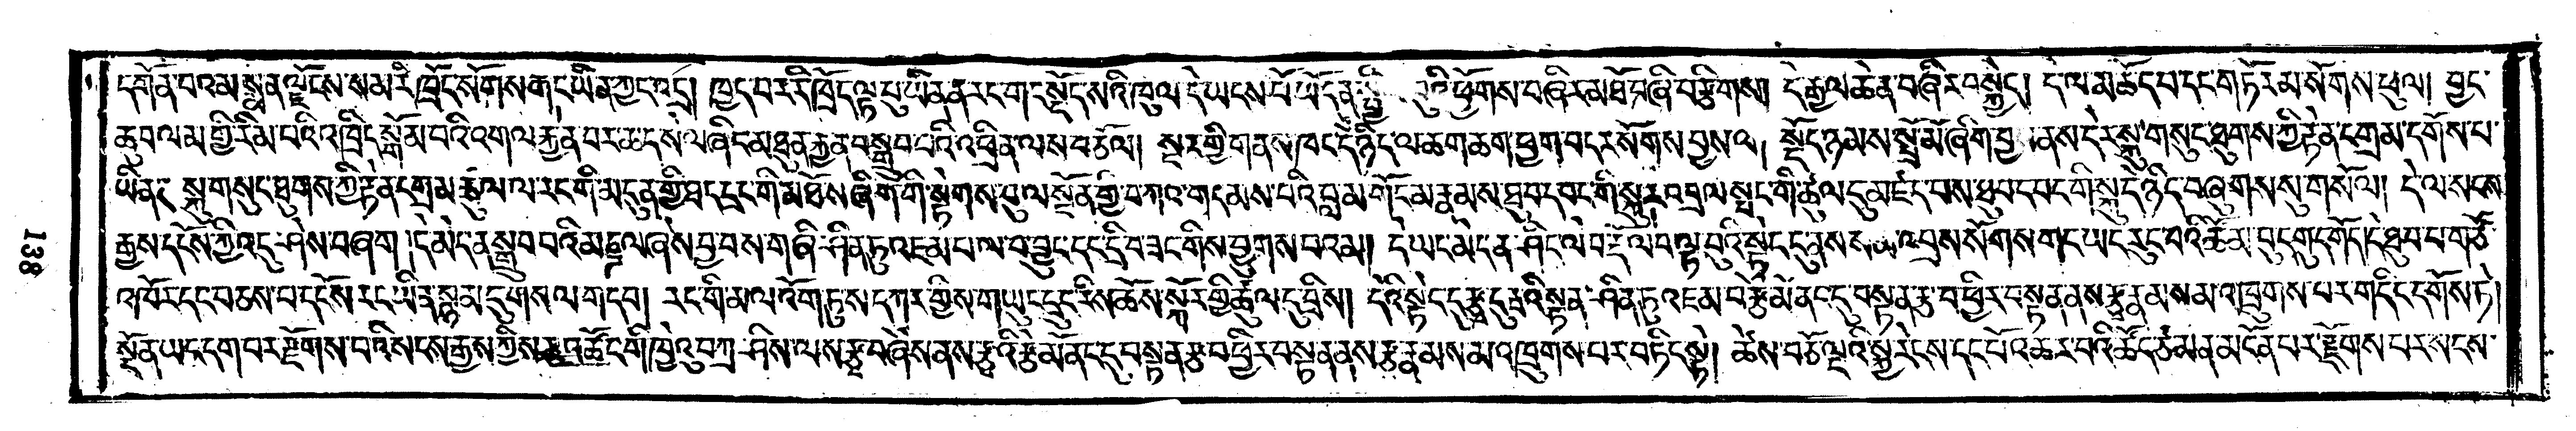དགོན་བའམ་སྨན་ལྗོངས་སམ་རི་ཁྲོང་སོགས་རྒང་ཡིན་ཀྱང་འདྲ། ཁྱད་པར་རི་ཁྲོད་ལྟ་བུ་ཡིན་ན་རང་གང་སྔོད་སའི་ཁུལ་དེ་ཡངས་པོ་ཡོད་ན་སྦྱིལ་བུའི་ཕྱོགས་བཞིར་མཐོ་བཞི་བརྩིགས། དེ་རྒྱལ་ཆེན་བཞིར་བསྐྱེད། དེ་ལ་མཆོད་པ་དང་གཏོར་མ་སོགས་ཕུལ། བྱང་
ཆུབ་ལམ་གྱི་རིམ་པའི་འཁྲིད་སྒོམ་བའི་འགལ་རྐྱེན་བར་ཆད་སེལ་ཞིང་མཐུན་རྐྱེན་བསྒྲུབ་པའི་འཕྲིན་ལས་བཅོལ། སྔར་གྱི་གནས་ཁང་དེ་ཉིད་ལ་ཆག་ཆག་ཕྱག་བདར་སོགས་བྱས་ལ། སྡོང་ཉམས་སྤྲོ་མོ་ཞིག་བྱས་ནས་དེར་སྐུ་གསུང་ཐུགས་ཀྱི་རྟེན་དགྲམ་དགོས་པ་
ཡིན༑ སྐུ་གསུང་ཐུགས་ཀྱི་རྟེན་དགྲམ་ཚུལ་ལ་རང་གི་མདུན་གྱི་ཐད་དྲང་གི་མཐོ་ས་ཞིག་གི་སྟེགས་བུ་ལ་སྔོན་གྱི་བཀའ་གདམས་པའི་བླ་མ་གོང་མ་རྣམས་ཐུབ་དབང་གི་སྐུར་འབྲལ་སྤང་གི་ཚུལ་དུ་མཛད་པས་ཐུབ་དབང་གི་སྐུ་དེ་ཉིད་བཞུགས་སུ་གསོལ། དེ་ལ་སངས་
རྒྱས་དངོས་ཀྱི་འདུ་ཤེས་བཞག །དེ་མེད་ན་སྒྲུབ་བའི་མཎྚལ་ཞེས་བྱ་བས་གཞི་ཤིན་ཏུ་འཇམ་པ་ལ་བ་བྱུང་དང་དྲི་བཟང་གི་སྦྱུགས་བའམ། དེ་ཡང་མེད་ན་ཤིང་ལེ་བ་རྡོ་ལེབ་ལྟ་བུའི་སྟེང་དུ་ནས་སམ་འབྲས་སོགས་གང་ཡང་རུང་བའི་ཚོམ་བུ་དགུ་དགོད། དེ་ཐུབ་པ་གཙོ་
འཁོར་དང་བཅས་པ་དངོས་རང་ཡིན་སྙམ་དུ་གསལ་གདབ། རང་གི་མ་ལ་འོག་ཏུ་ས་དཀར་གྱིས་གཡུང་དྲུང་རིས་ཆོས་སྐོར་གྱི་ཚུལ་དུ་བྲིས། དེའི་སྟེང་དུ་རྩྭ་དུར་བའི་སྟན་ཤིན་ཏུ་འཇམ་བརྩེ་མོ་ནང་དུ་བསྟན་རྩ་བ་ཕྱིར་བསྟན་ནས་རྩྭ་རྣམས་མ་འཁྲུགས་པར་གདིང་དགོས་ཏེ།
སྔོན་ཡང་དག་པར་རྫོགས་པའི་སངས་རྒྱས་ཀྱིས་རྩ་འཚོང་གི་ཁྱེའུ་བཀྲ་ཤིས་ལས་རྩྭ་བཞེས་ནས་རྩྭའི་རྩེ་མོ་ནང་དུ་བསྟན་རྩ་བ་ཕྱིར་བསྟན་ནས་རྩ་རྣམས་མ་འཁྲུགས་པར་བཏིང་སྟེ། ཚེས་བཅོ་ལྔའི་སྐྱ་རེངས་དང་པོ་འཆར་བའི་ཚོད་ཙམ་ན་མངོན་པར་རྫོགས་པར་སངས་